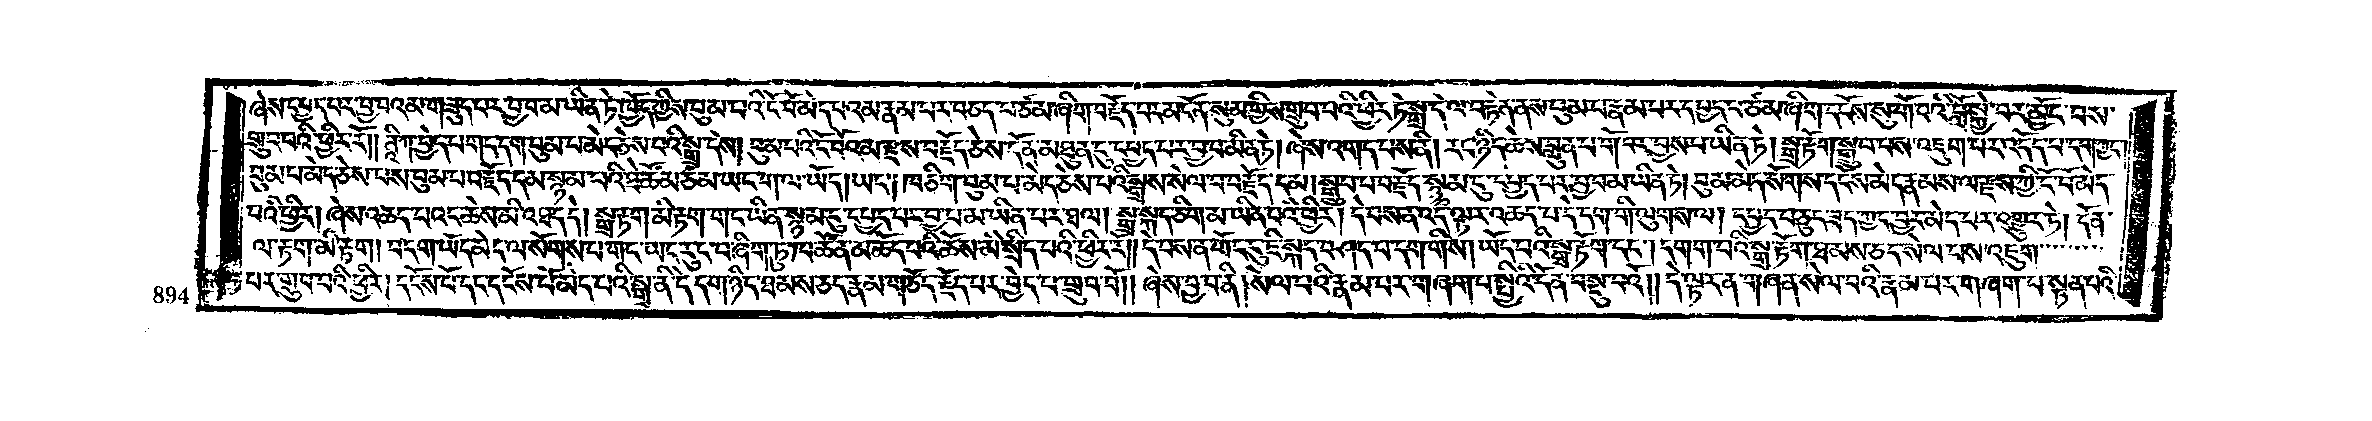ཞེས་དཔྱད་པར་བྱ་བའམ་གཟུད་པར་བྱ་བ་མ་ཡིན་ཏེ་ཁྱོད་ཀྱིས་བུམ་པའི་ངོ་བོ་མེད་པའམ་རྣམ་པར་བཅད་པ་ཙམ་ཞིག་བརྗོད་པར་མངོན་སུམ་གྱིས་གྲུབ་པའི་ཕྱིར་ཏེ་སྒྲ་དེ་ལ་བརྟེན་ནས་བུམ་པ་རྣམ་པར་དཔྱད་པ་ཙམ་ཞིག་དངོས་སུ་གོ་བའི་བློ་སྐྱེ་བར་མྱོང་བས་
གྲུབ་པའི་ཕྱིར་རོ། །ཊཱིཀ་བྱེད་པ་གང་དག་བུམ་པ་མེད་ཅེས་པའི་སྒྲ་དེས། བུམ་པའི་ངོ་བོའམ་རྫས་བརྗོད་ཅེས་དོན་མཐུན་དུ་དཔྱད་པར་བྱ་བ་མིན་ཏེ། ཞེས་འགད་པས་ནི། རང་ཉིད་ཆེས་བླུན་པ་གོ་བར་བྱས་པ་ཡིན་ཏེ། སྒྲ་རྟོག་སྒྲུབ་པས་འཇུག་པར་འདོད་པ་དག་ཀྱང་
བུམ་པ་མེད་ཅེས་པས་བུམ་པ་བརྗོད་དམ་སྙམ་པའི་ཐེ་ཚོམ་ཙམ་ཡང་ག་ལ་ཡོད། ཡང་། ཁ་ཅིག་བུམ་པ་མེད་ཅེས་པའི་སྒྲས་སེལ་བ་བརྗོད་དམ། སྒྲུབ་པ་བརྗོད་སྙམ་དུ་དཔྱད་པར་བྱ་བ་མ་ཡིན་ཏེ། བུམ་མེད་སོགས་དངོས་མེད་རྣམས་ལ་རྫས་ཀྱི་ངོ་བོ་མེད་
པའི་ཕྱིར། ཞེས་འཆད་པའང་ཆེས་མི་འཐད་དེ། སྒྲ་རྟག་མི་རྟག་གང་ཡིན་སྙམ་དུ་དཔྱད་པར་བྱ་བ་མ་ཡིན་པར་ཐལ། སྒྲ་སྐད་ཅིག་མ་ཡིན་པའི་ཕྱིར། དེ་བས་ནའི་འདི་ལྟར་འཆད་པ་དེ་དག་གི་ལུགས་ལ། དཔྱད་པ་ཅུང་ཟད་ཀྱང་བྱར་མེད་པར་འགྱུར་ཏེ། དོན་
ལ་རྟག་མི་རྟག། བདག་ཡོད་མེད་ལ་སོགས་པ་གང་ཡང་རུང་བ་ཞིག་ཏུ་ཁ་ཚོན་མཆོད་པའི་ཆོས་མི་སྲིད་པའི་ཕྱིར་རོ། །དེ་བས་ན་གོང་དུ་ཇི་སྐད་བཤད་པ་དག་གིས། ཡོད་པའི་སྒྲ་རྟོག་པ་དང་། དགག་པའི་སྒྲ་རྟོག་ཐམས་ཅད་སེལ་བས་འཇུག་
པར་གྲུབ་པའི་ཕྱིར། དངོས་པོ་དང་དངོས་པོ་མེད་པའི་སྒྲ་ནི་དེ་དག་ཉིད་ཐམས་ཅད་རྣམ་གཅོད་རྗོད་པར་བྱེད་པ་གྲུབ་བོ། །ཞེས་བྱ་བ་ནི། སེལ་བའི་རྣམ་པར་གཞག་པའི་སྤྱིའི་དོན་བསྡུ་བའོ། །དེ་ལྟར་ན་གཞན་སེལ་བའི་རྣམ་པར་གཞག་པ་སྟན་པའི་